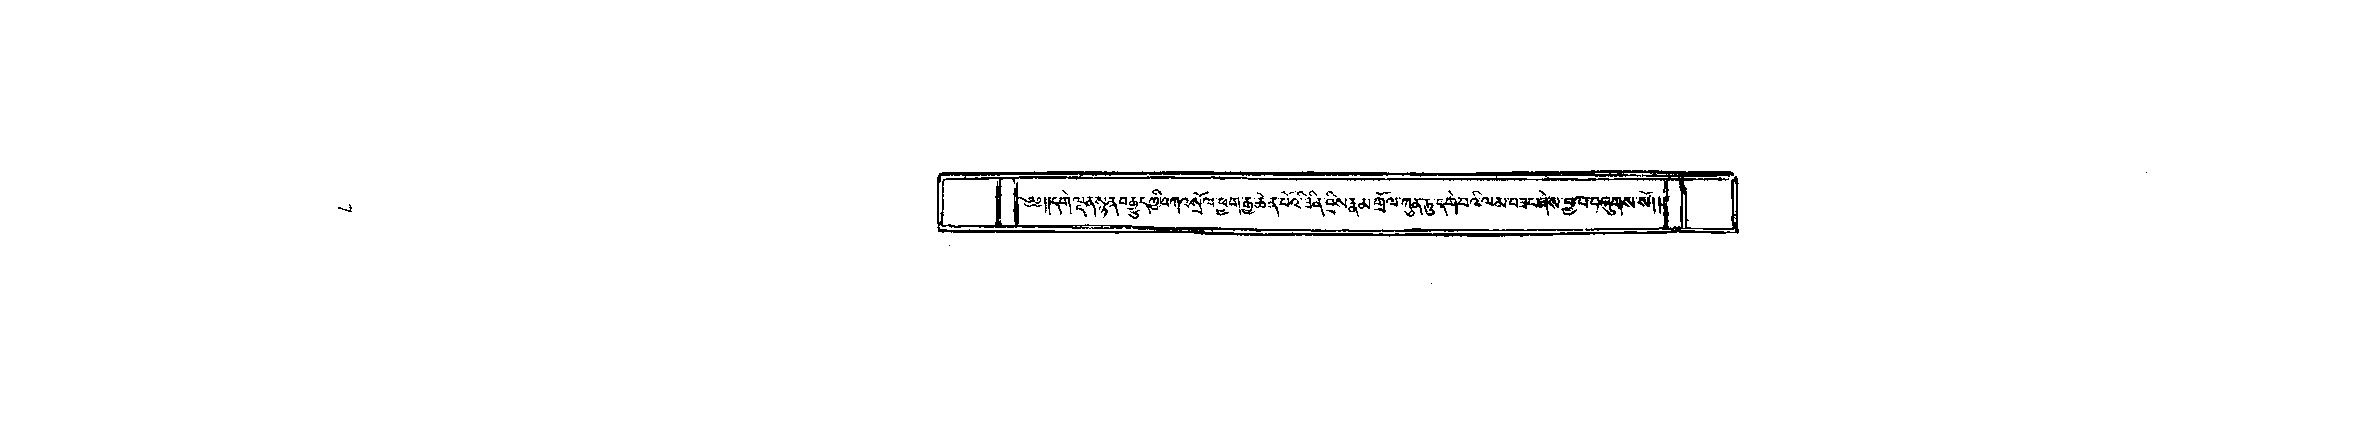༄༅། །དགེ་ལྡན་སྙན་བརྒྱུད་ཀྱི་བཀའ་སྲོལ་ཕྱག་རྒྱ་ཆེན་པོའི་ཟིན་བྲིས་རྣམ་གྲོལ་ཀུན་ཏུ་དགེ་བའི་ལམ་བཟང་ཞེས་བྱ་བ་བཞུགས་སོ། །